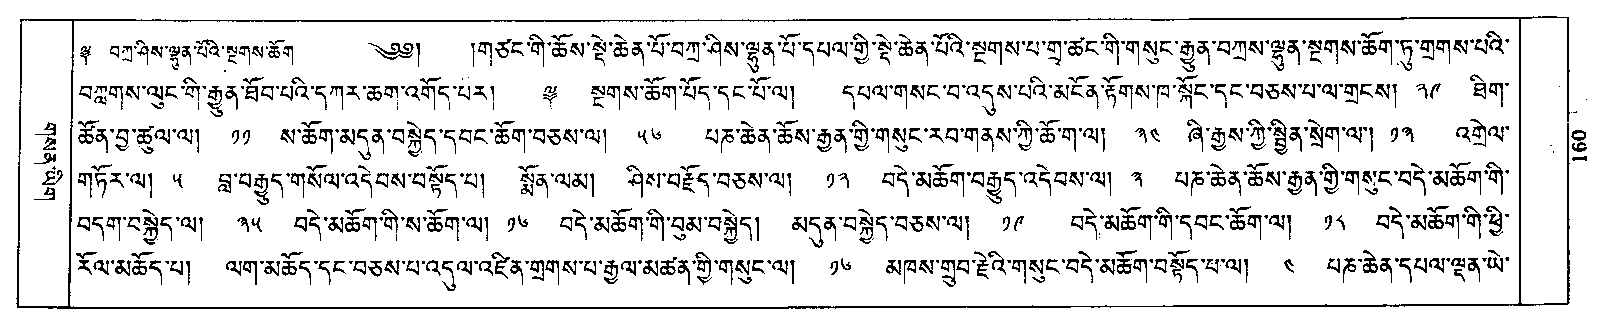༈ བཀྲ་ཤིས་ལྷུན་པོའི་སྔགས་ཆོག་༄༅། །གཙང་གི་ཆོས་སྡེ་ཆེན་པོ་བཀྲ་ཤིས་ལྷུན་པོ་དཔལ་གྱི་སྡེ་ཆེན་པོའི་སྔགས་པ་གྲྭ་ཚང་གི་གསུང་རྒྱུན་བཀྲས་ལྷུན་སྔགས་ཆོག་ཏུ་གྲགས་པའི་
བཀླགས་ལུང་གི་རྒྱུན་ཐོབ་པའི་དཀར་ཆག་འགོད་པར། ༈ སྔགས་ཆོག་པོད་དང་པོ་ལ། དཔལ་གསང་བ་འདུས་པའི་མངོན་རྟོགས་ཁ་སྐོང་དང་བཅས་པ་ལ་གྲངས། ༢༩་ཐིག་
ཚོན་བྱ་ཚུལ་ལ། ༡༡་ས་ཆོག་མདུན་བསྐྱེད་དབང་ཆོག་བཅས་ལ། ༥༦་པཎ་ཆེན་ཆོས་རྒྱན་གྱི་གསུང་རབ་གནས་ཀྱི་ཆོ་ག་ལ། ༣༤་ཞི་རྒྱས་ཀྱི་སྦྱིན་སྲེག་ལ། ༡༣་འགྲེལ་
གཏོར་ལ། ༥་བླ་བརྒྱུད་གསོལ་འདེབས་བསྟོད་པ། སྨོན་ལམ། ཤིས་བརྗོད་བཅས་ལ། ༡༢་བདེ་མཆོག་བརྒྱུད་འདེབས་ལ། ༣་པཎ་ཆེན་ཆོས་རྒྱན་གྱི་གསུང་བདེ་མཆོག་གི་
བདག་བསྐྱེད་ལ། ༣༥་བདེ་མཆོག་གི་ས་ཆོག་ལ། ༡༦་བདེ་མཆོག་གི་བུམ་བསྐྱེད། མདུན་བསྐྱེད་བཅས་ལ། ༡༩་བདེ་མཆོག་གི་དབང་ཆོག་ལ། ༡༨་བདེ་མཆོག་གི་ཕྱི་
རོལ་མཆོད་པ། ལག་མཆོད་དང་བཅས་པ་འདུལ་འཛིན་གྲགས་པ་རྒྱལ་མཚན་གྱི་གསུང་ལ། ༡༦་མཁས་གྲུབ་རྗེའི་གསུང་བདེ་མཆོག་བསྟོད་པ་ལ། ༤་པཎ་ཆེན་དཔལ་ལྡན་ཡེ་